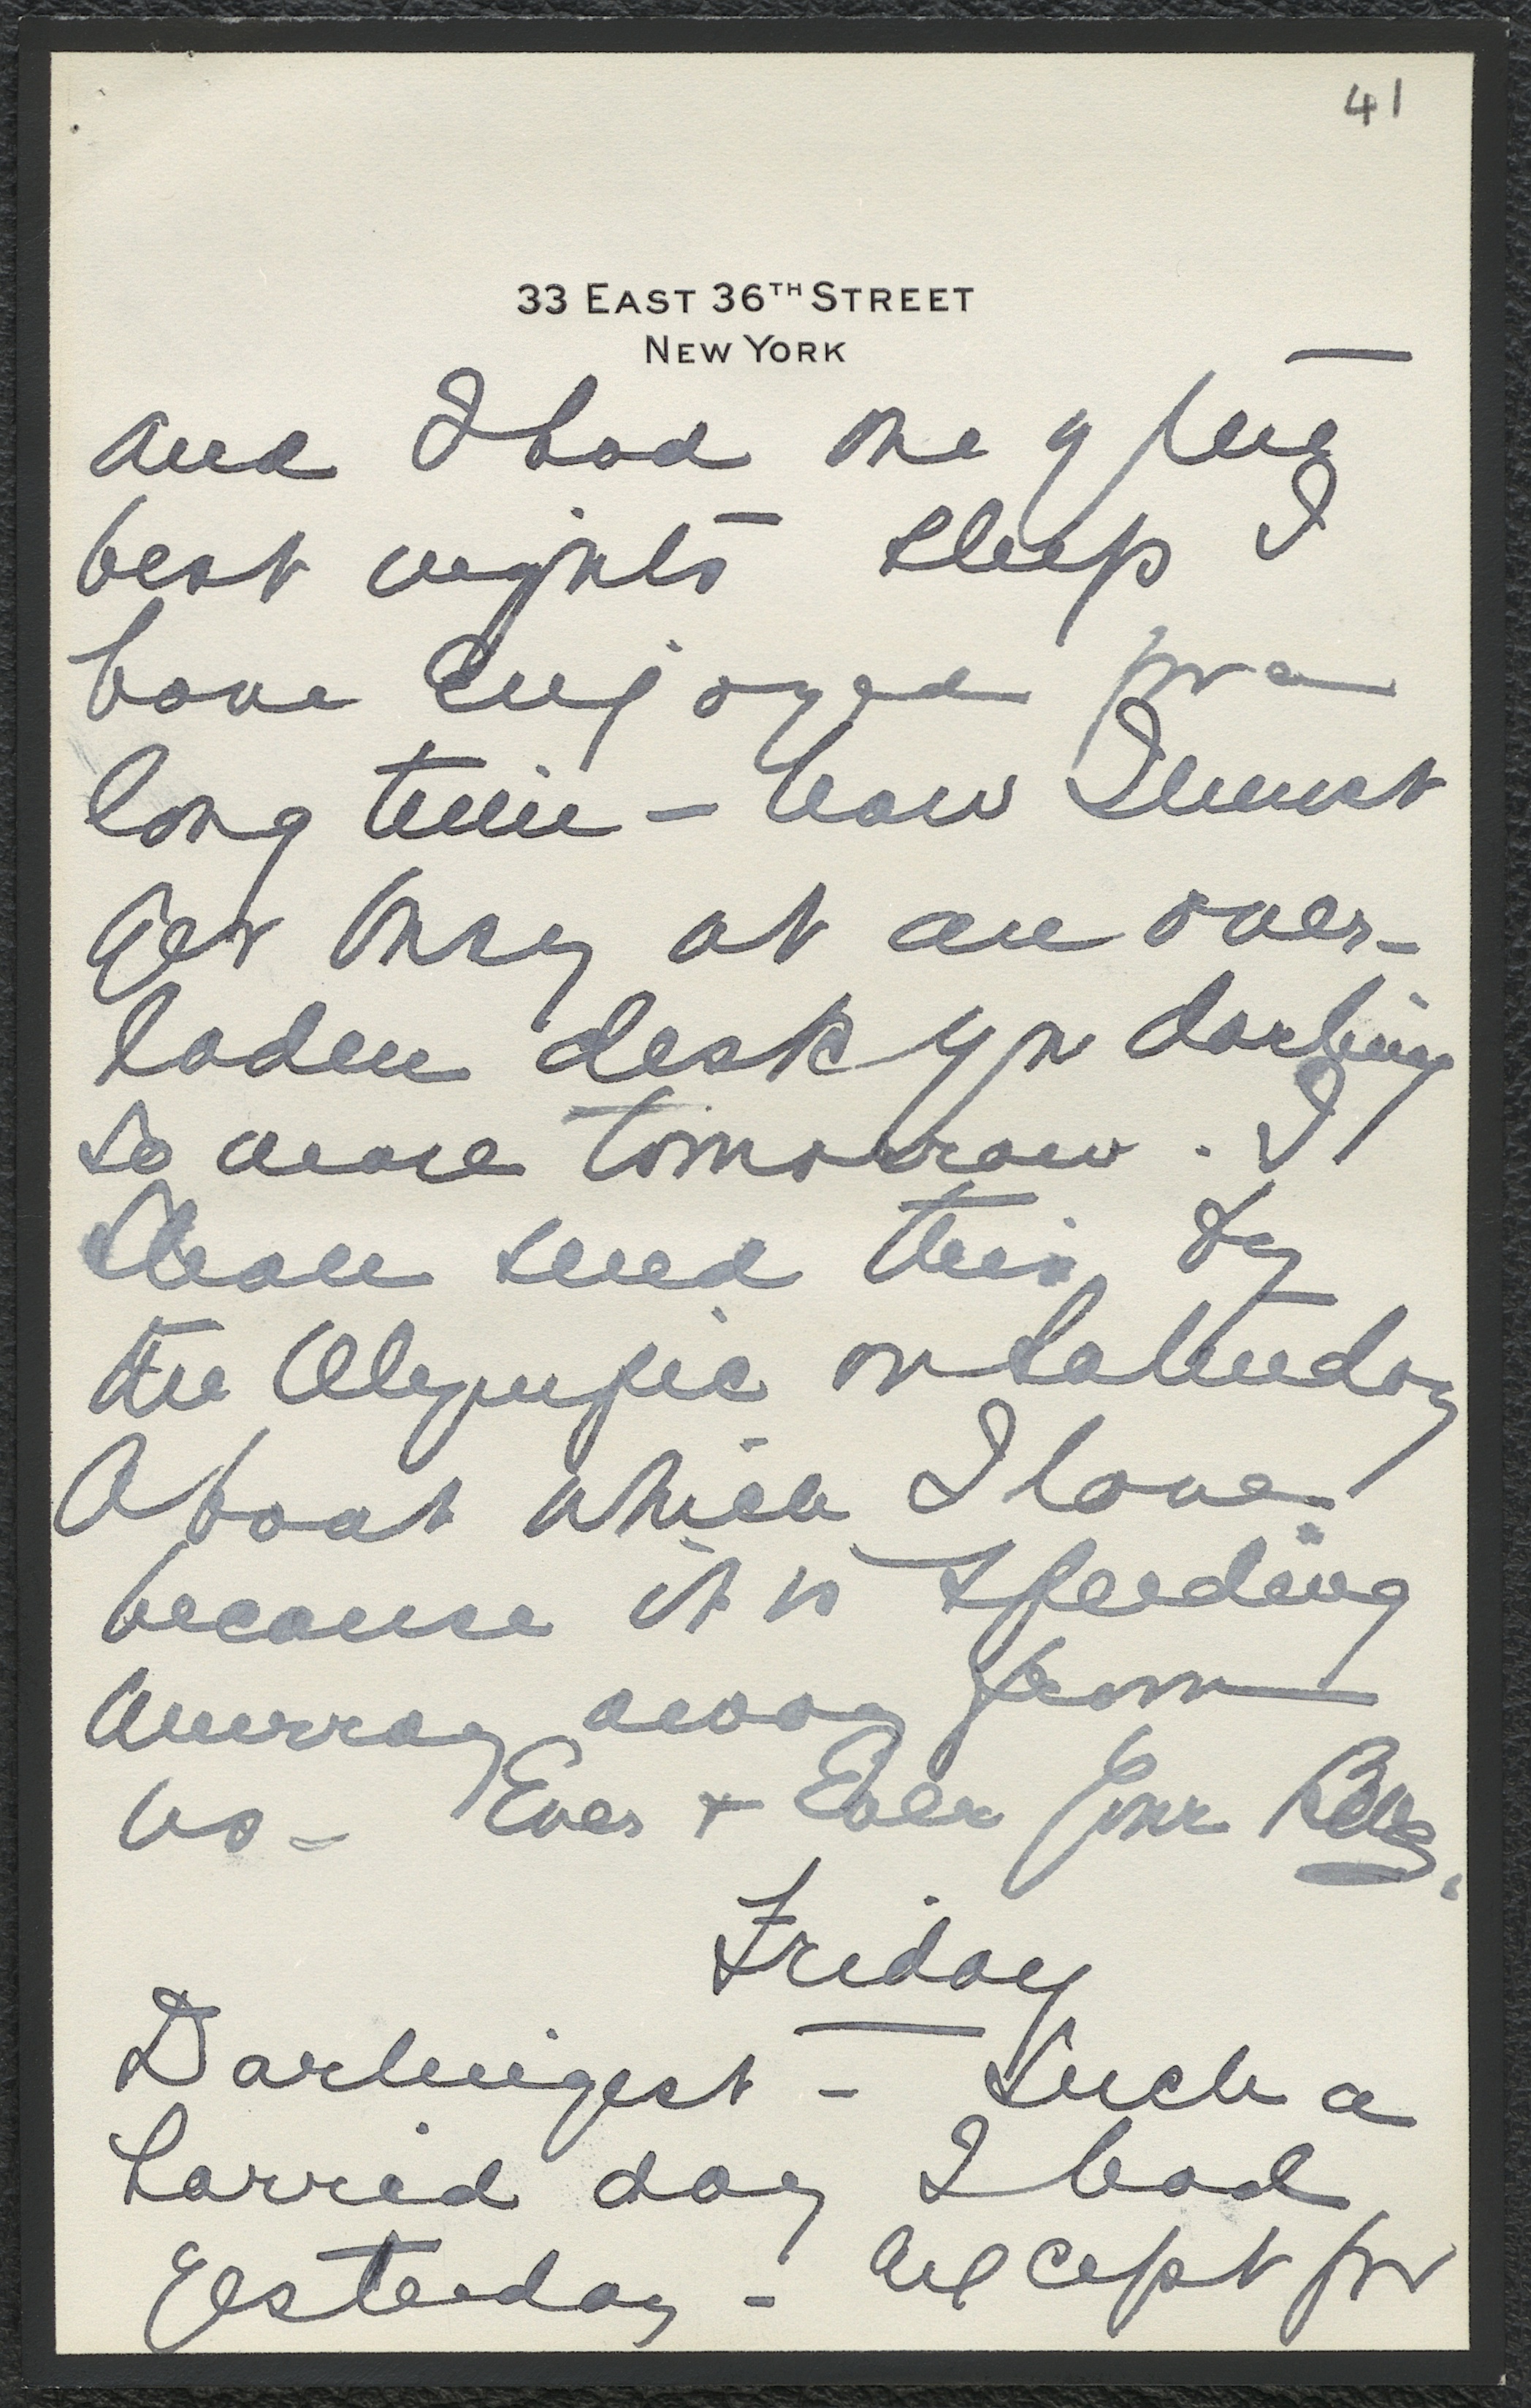and I had one of the best nights [sic] sleep I have enjoyed for a long time – now I must get busy at an overladen desk you darling so more tomorrow. I shall send this by the Olympic on Saturday
A boat which I love because it is speeding Murray away from us – Ever & Ever Your Belle
Friday
Darlingest – such a horrid day I had yesterday – except for